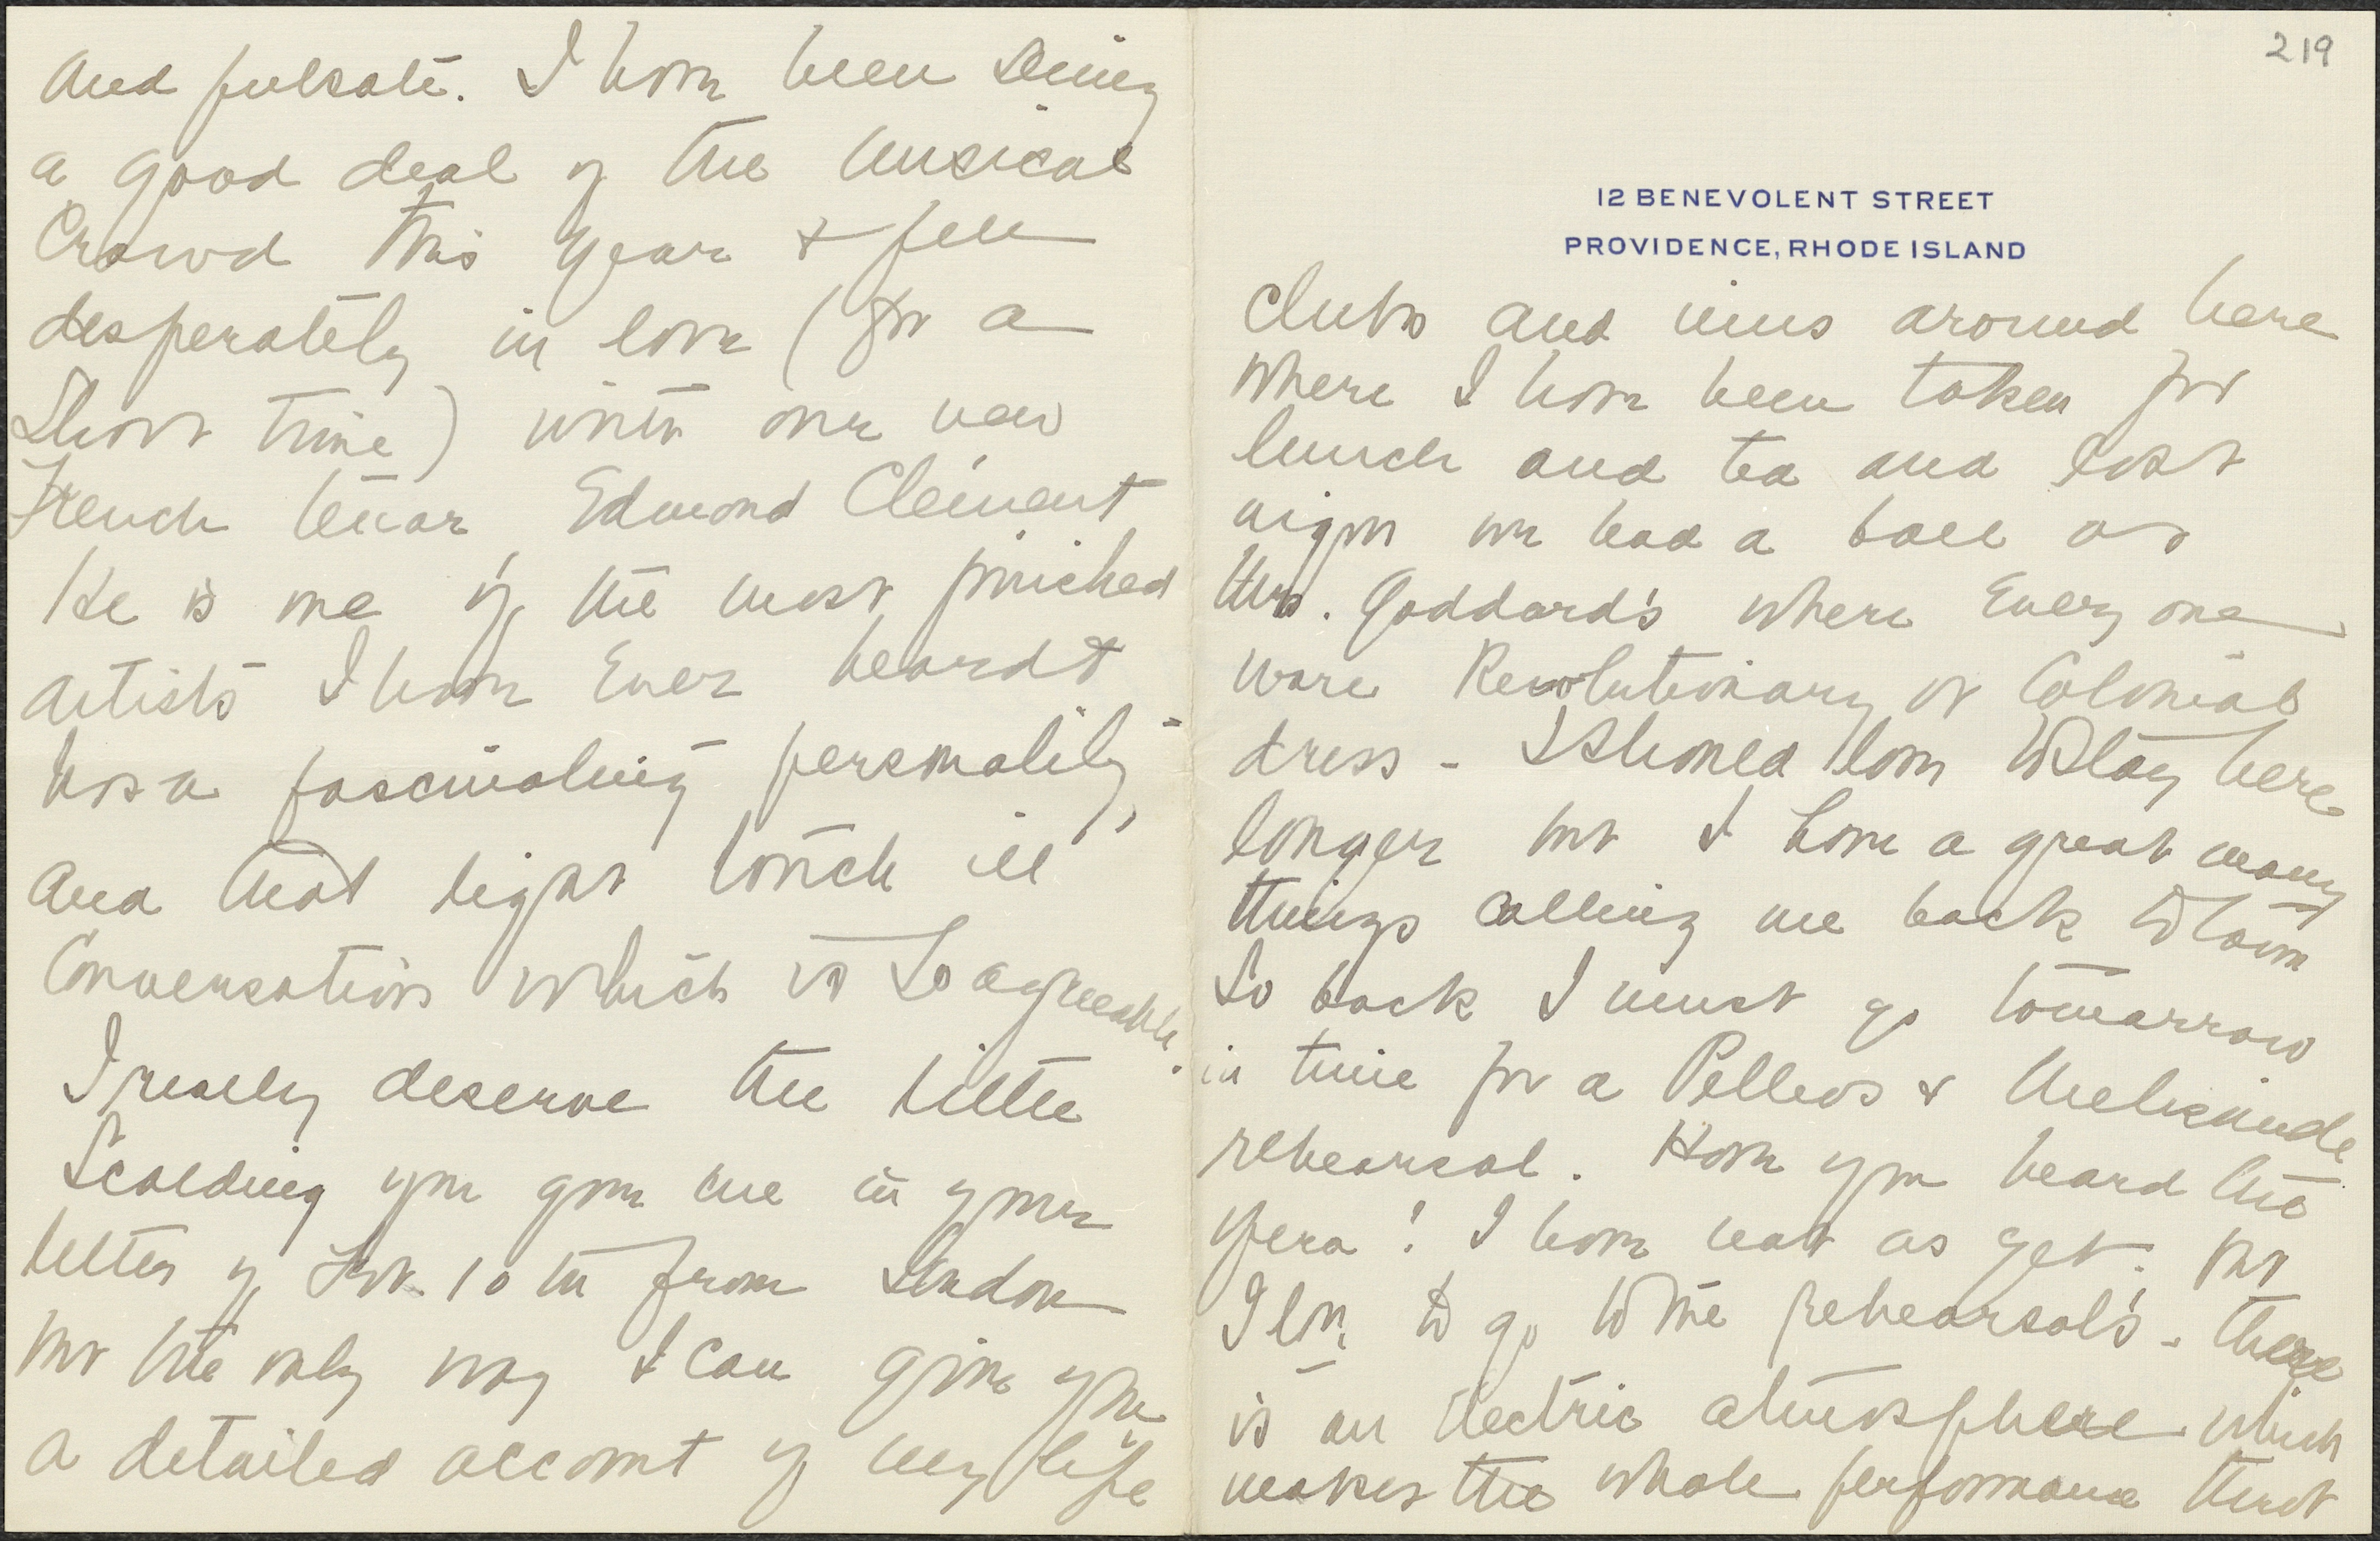clubs and inns around here where I have been taken for lunch and tea and last night we had a ball at Mrs. Goddard’s where every one wore Revolutionary or Colonial dress – I should love to stay here longer but I have a great many things calling me back to town. So back I must go tomorrow in time for a Pelleas & Melisande rehearsal. Have you heard the opera? I have not as yet. but I love to go to the rehearsal’s [sic] – there is an electric atmosphere which makes the whole performance throb
and pulsate. I have been seeing a good deal of the musical Crowd this year & fell desperately in love (for a short time) with our new French tenor Edmond Clément
He is one of the most finished artists I have ever heard & has a fascinating personality, and that light touch in conversation which is So agreeable.
I really deserve the little scolding you gave me in your letter of Feb. 10th from London but the only way I can give you a detailed account of my life